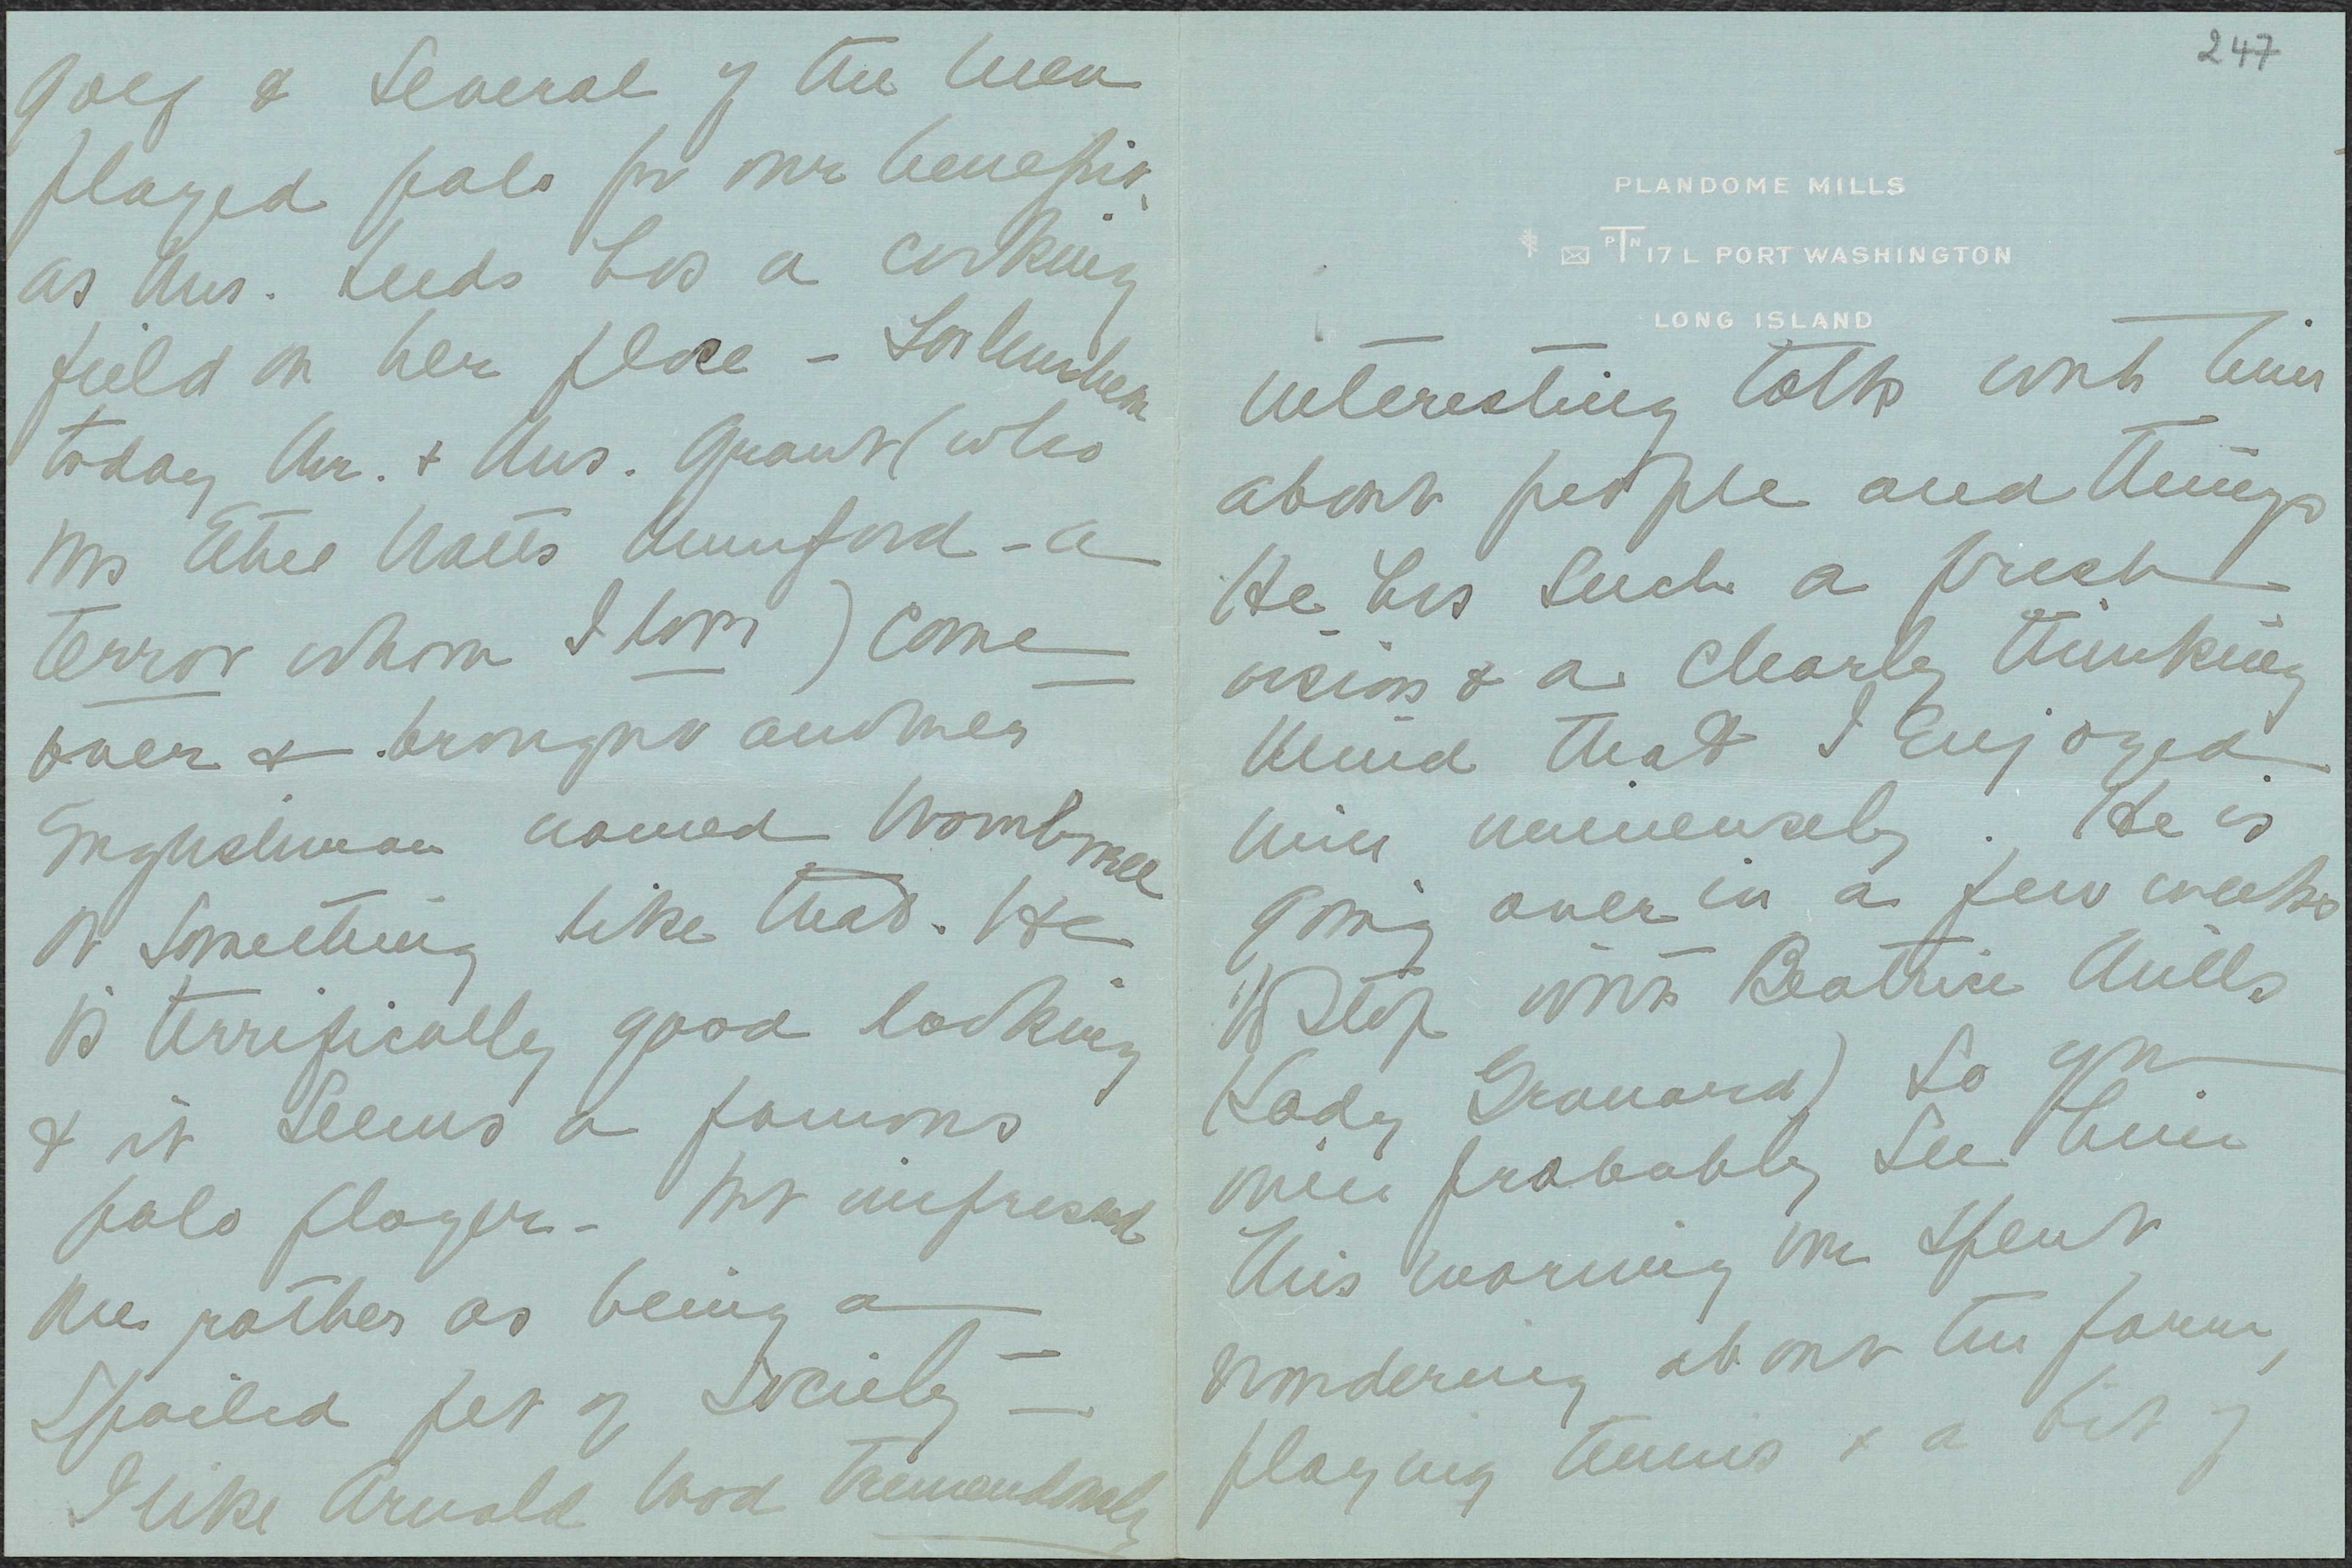interesting talk with him about people and things[.] He has such a fresh vision & a clearly thinking mind that I enjoyed him immensely. He is going over in a few weeks to stay with Beatrice Mills (Lady Granard) so you will probably see him
This morning we spent wandering about the farm, playing tennis & a bit of
golf & several of the men played polo for our benefit, as Mrs. Leeds has a corking field on her place – For luncheon today Mr. and Mrs. Grant (who was Ethel Watts Mumford – a terror whom I love) came over & brought another Englishman named Wombwell or something like that. He is terrifically good looking & it seems a famous polo player – but impressed me rather as being a spoiled pet of society –
I like Arnold Wood tremendously